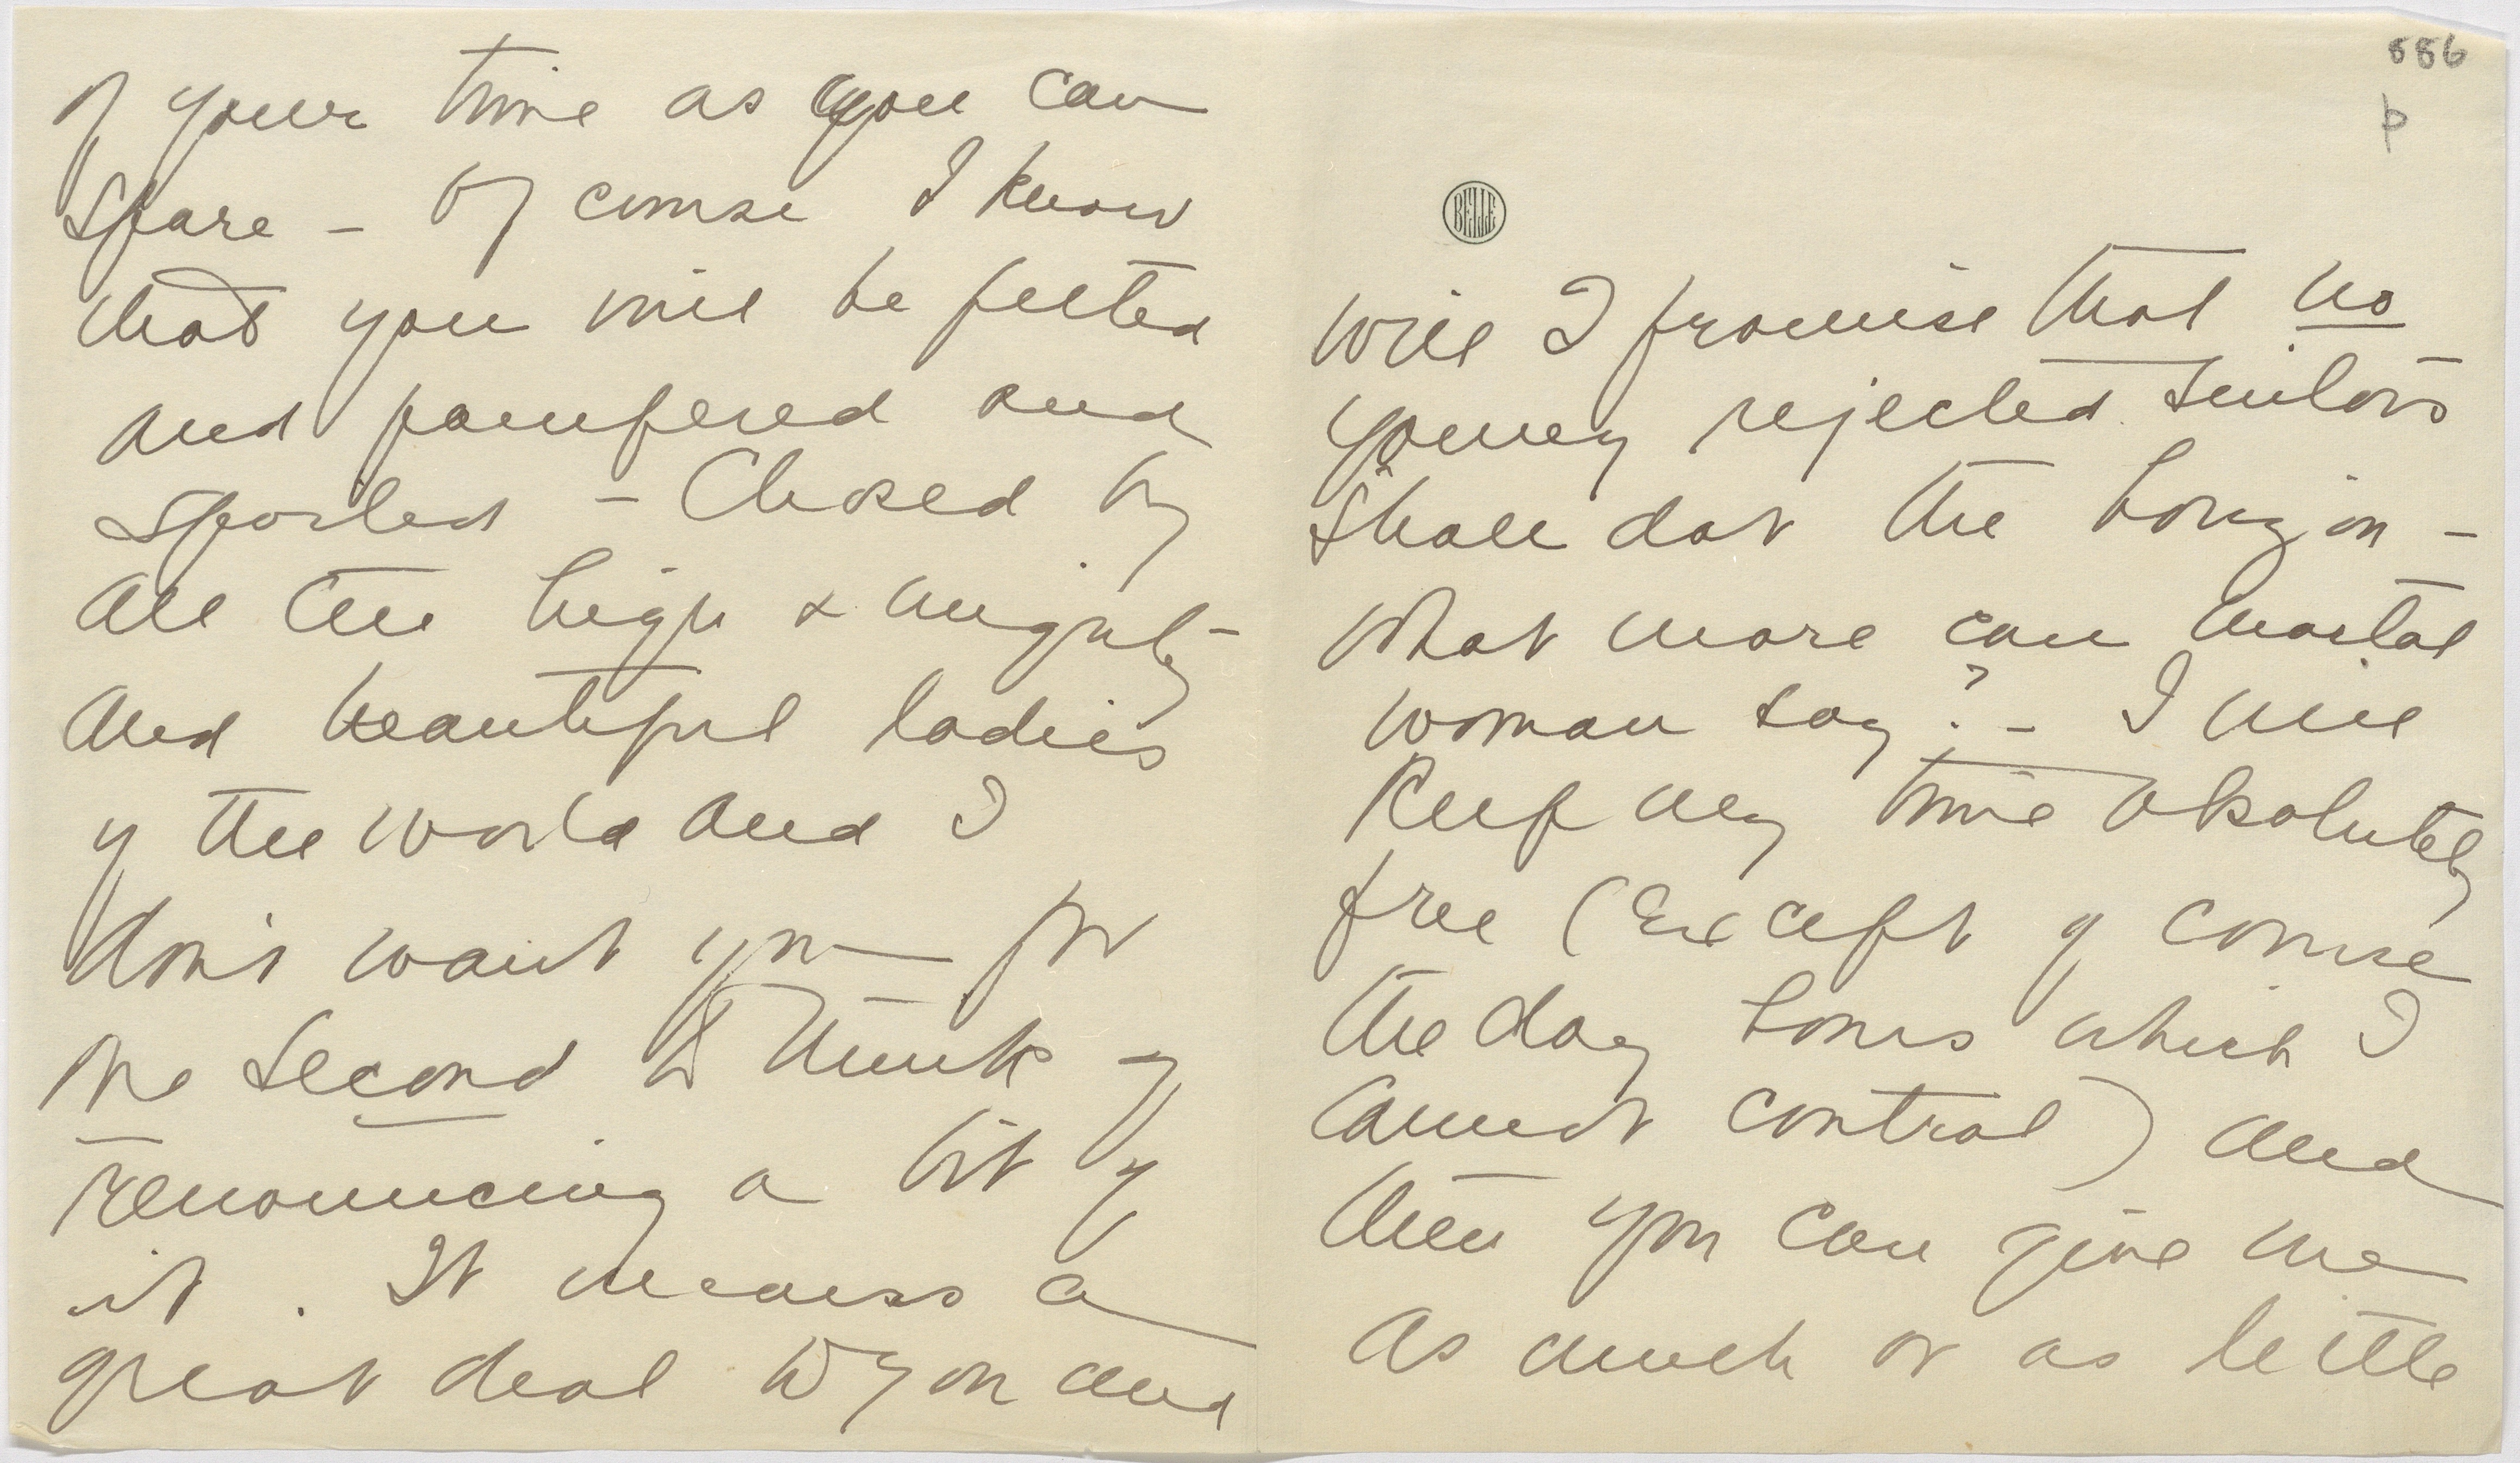will I promise that no young rejected suitors shall dot the horizon – What more can mortal woman say? – I will keep my time absolutely free (except of course the day hours which I cannot control) and then you can give me as much or as little
of your time as you can spare – of course I know that you will be feted and pampered and spoiled – Chased by all the high & mighty and beautiful ladies of the world and I don’t want you for one second to think of renouncing a bit of it. It means a great deal to you and